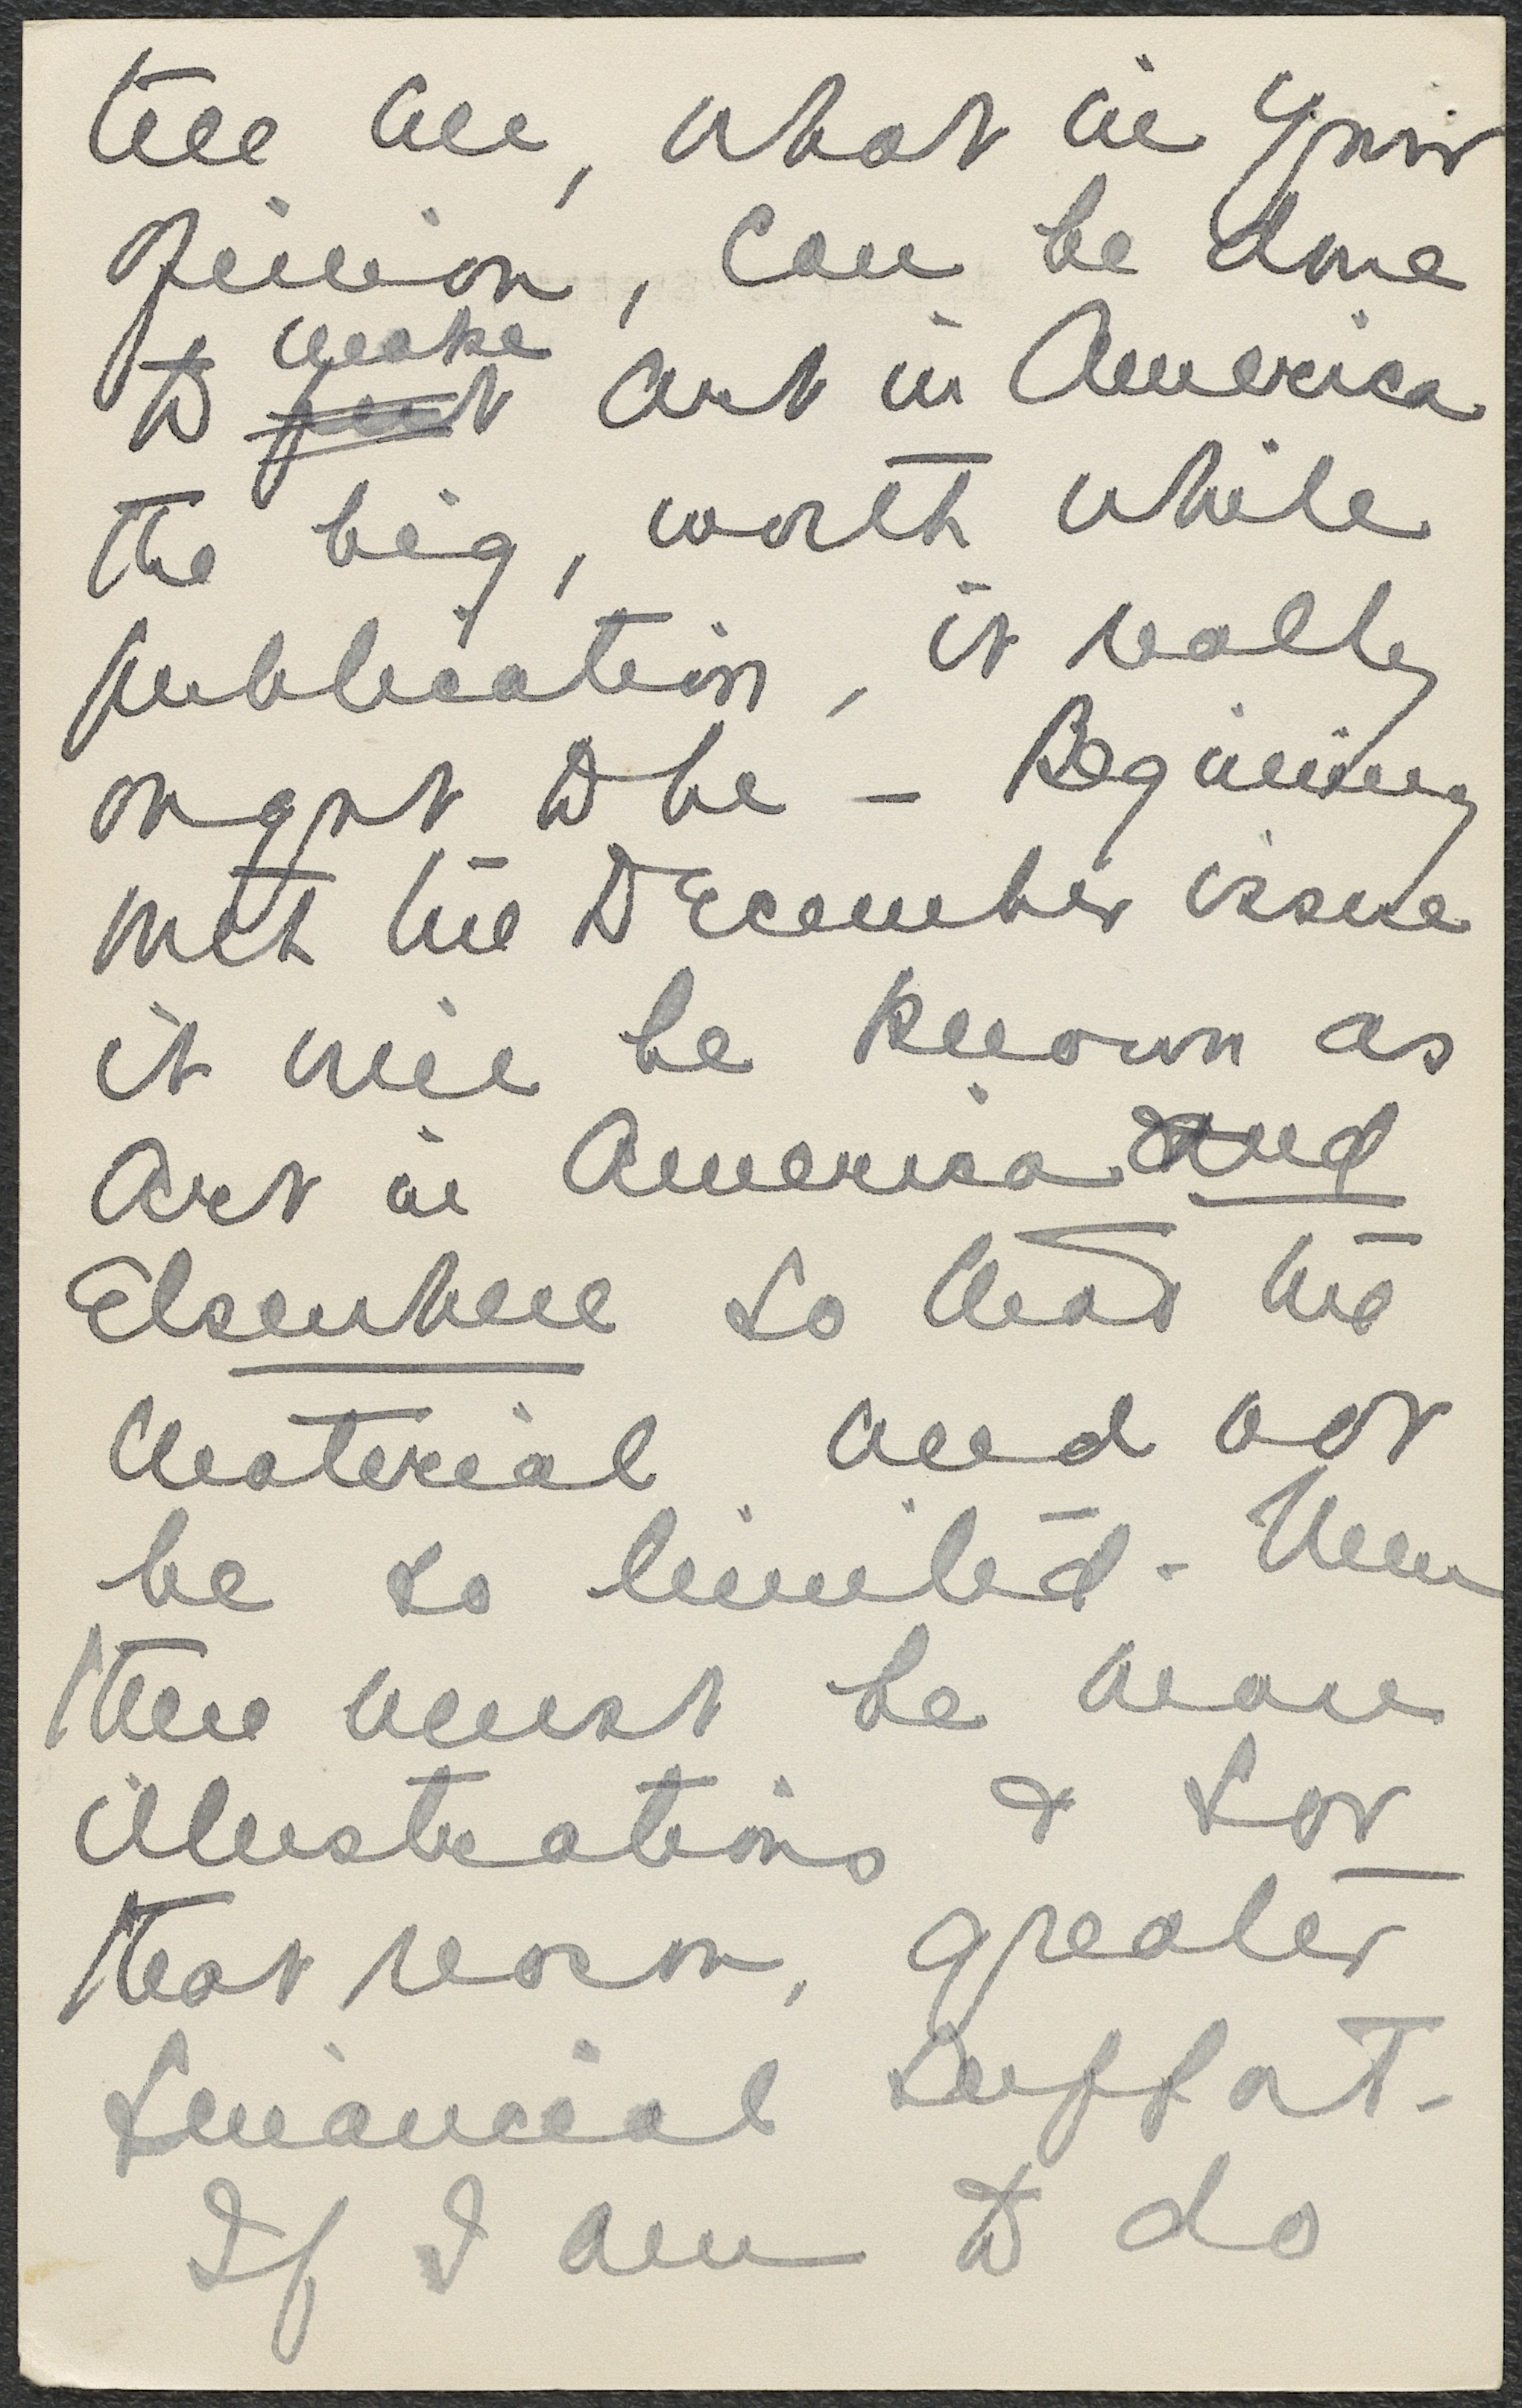tell me, what in your opinion, can be done to put [^make^] Art in America the big, worth while publication, it really ought to be – Beginning with the December issue it will be known as Art in America and Elsewhere so that the material need not be so limited – Then there must be more illustrations & for that reason, greater financial support –
If I am to do